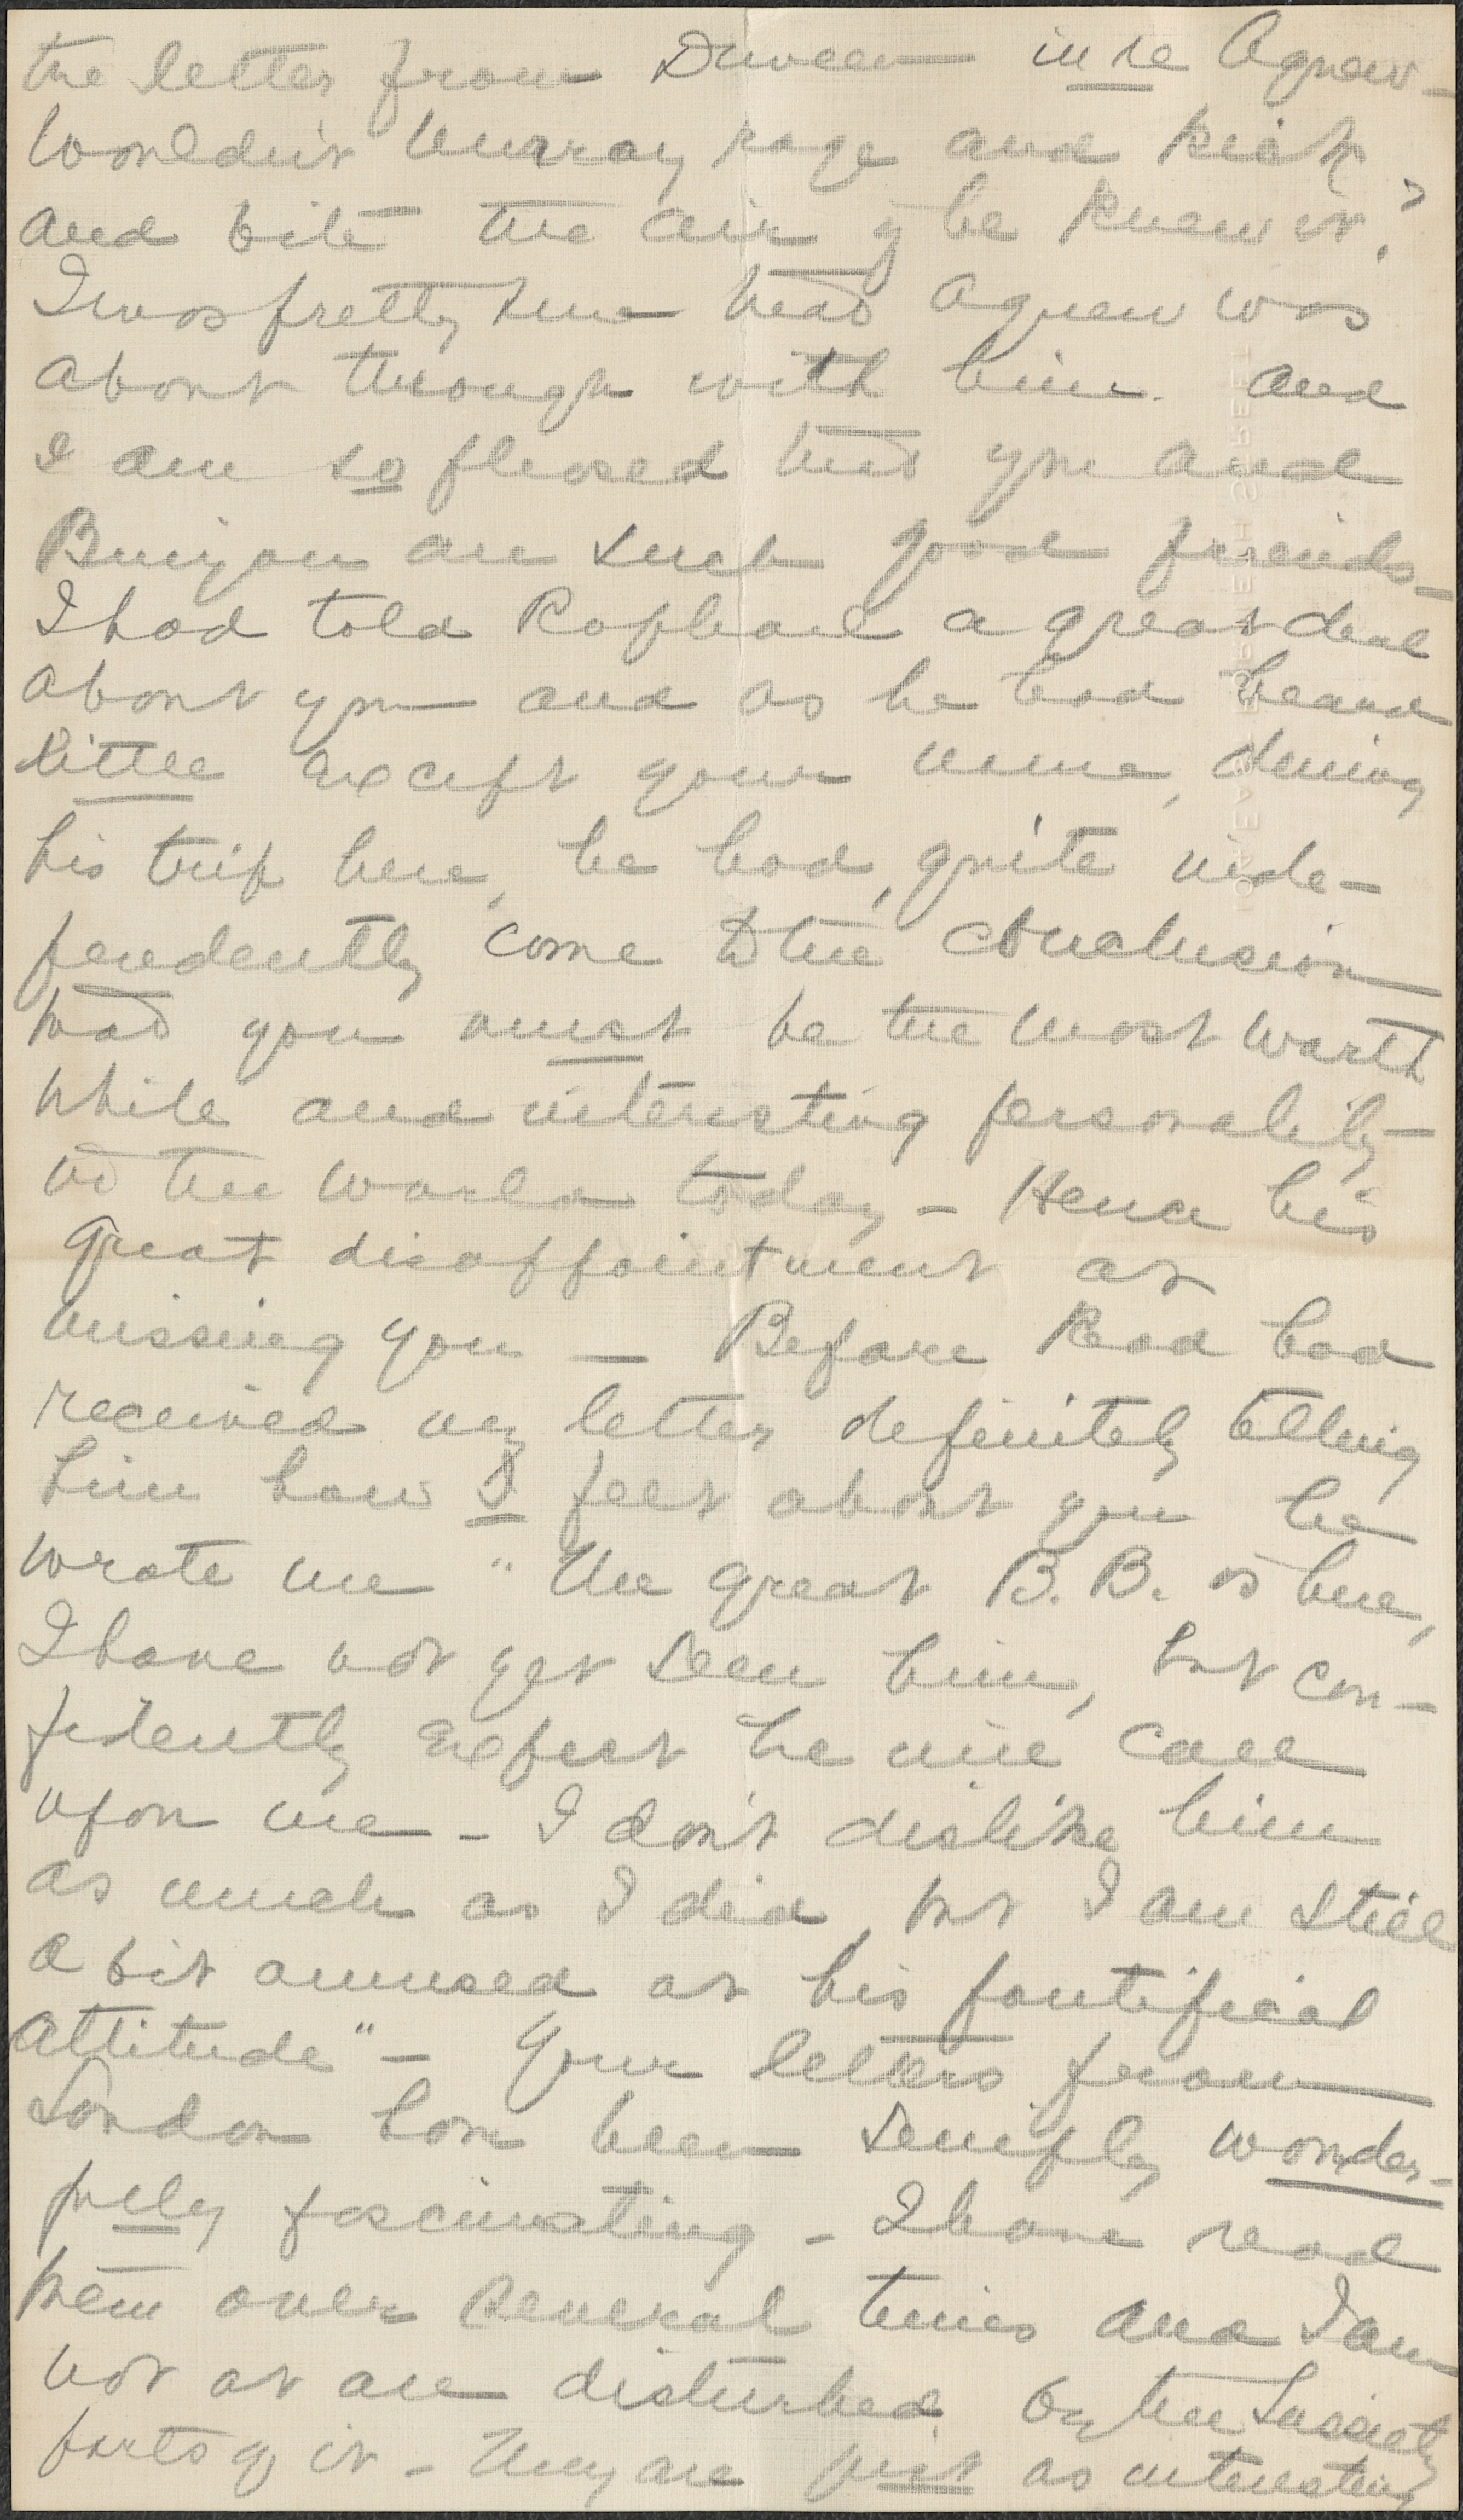the letter from Duveen in re Agnew – Wouldn’t Murray rage and kick and bite the air if he knew it? I was pretty sure that Agnew was about through with him. and I am so pleased that you and Binyon are such good friends – I had told Raphael a great deal about you and as he had heard little except your name, during his trip here, he had, quite independently come to the conclusion that you must be the most worth while and interesting personality in the world today – Hence his great disappointment at missing you – Before Read had received my letter definitely telling him how I felt about you he wrote me “The great B.B. is here, I have not yet seen him, but confidently expect he will call upon me – I don’t dislike him as much as I did, but I am still a bit amused at his pontifical attitude” – Your letters from London have been simply wonderfully fascinating – I have read them over several times and I am not at all disturbed by the Sassiety parts of it – They are just so interesting